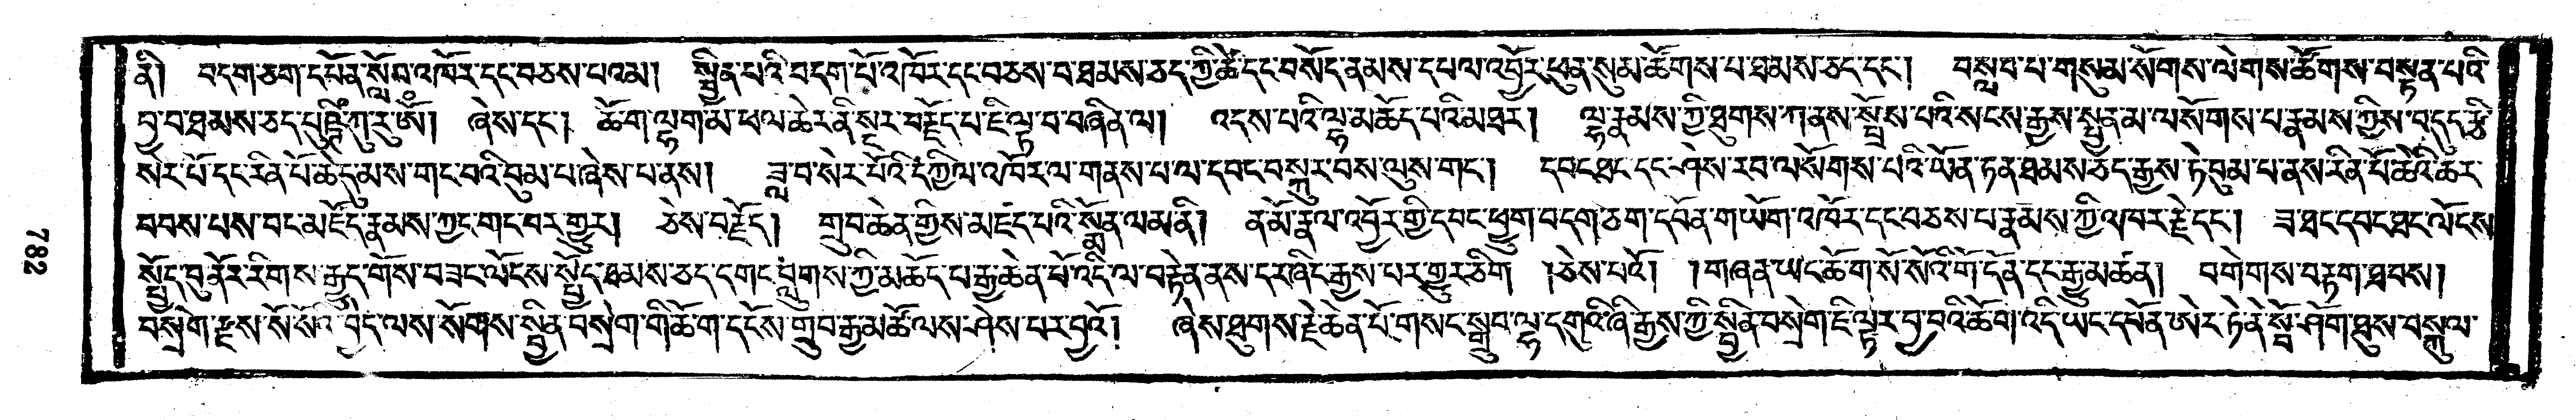ནི། བདག་ཅག་དཔོན་སློབ་འཁོར་དང་བཅས་པའམ། སྦྱིན་པའི་བདག་པོ་འཁོར་དང་བཅས་པ་ཐམས་ཅད་ཀྱི་ཚེ་དང་བསྡོད་ནམས་དཔལ་འབྱོར་ཕུན་སུམ་ཚོགས་པ་ཐམས་ཅད་དང་། བསླབ་པ་གསུམ་སོགས་ལེགས་ཚོགས་བསྟན་པའི་
བྱ་བ་ཐམས་ཅད་པུཥྚིཾ་ཀུ་རུ་ཨོཾ། ཞེས་དང་། ཆོ་ག་ལྷག་མ་ཕལ་ཆེར་ནི་སྔར་བརྗོད་པ་ཇི་ལྟ་བ་བཞིན་ལ། འདས་པའི་ལྷ་མཆོད་པའི་མཐར། ལྷ་རྣམས་ཀྱིས་ཐུགས་ཀ་ནས་སྤྲོས་པའི་སངས་རྒྱས་སྤྱན་མ་ལ་སོགས་པ་རྣམས་ཀྱིས་བདུད་རྩི་
སེར་པོ་དང་རིན་པོ་ཆེ་དུ་མས་གང་བའི་བུམ་པ་ཞེས་པ་ནས། ཟླ་བ་སེར་པོའི་དཀྱིལ་འཁོར་ལ་གནས་པ་ལ་དབང་བསྐུར་བས་ལུས་གང་། དབང་ཐང་དང་ཤེས་རབ་ལ་སོགས་པའི་ཡོན་ཏན་ཐམས་ཅད་རྒྱས་ཏེ་བུམ་པ་ནས་རིན་པོ་ཆེའི་ཆར་
བབས་པས་བང་མཛོད་རྣམས་ཀྱང་གང་བར་གྱུར། ཅེས་བརྗོད། གྲུབ་ཆེན་གྱིས་མཛད་པའི་སྨོན་ལམ་དང་ནི། ན་མོ་རྣལ་འབྱོར་གྱི་དབང་ཕྱུག་བདག་ཅག་དབོན་གཡོག་འཁོར་དང་བཅས་པ་རྣམས་ཀྱི་འཁར་རྗེ་དང་། ཟ་ཐང་དབང་ཐང་ལོངས་
སྤྱོད་བུ་ནོར་རིགས་རྒྱུད་གོས་བཟང་ལོངས་སྤྱོད་ཐམས་ཅད་དགང་བླུགས་ཀྱི་མཆོད་པ་རྒྱ་ཆེན་པོ་འདི་ལ་བརྟེན་ནས་དར་ཞིང་རྒྱས་པར་གྱུར་ཅིག །ཅེས་པའོ། །གཞན་ཡང་ཆོ་ག་སོ་སོའི་གོ་དོན་དང་རྒྱུ་མཚན། བགེགས་བརྟག་ཐབས།
བསྲེག་རྫས་སོ་སོའི་བྱེད་ལས་སོགས་སྦྱིན་བསྲེག་གི་ཆོ་ག་དངོས་གྲུབ་རྒྱ་མཚོ་ལས་ཤེས་པར་བྱའོ། ཞེས་ཐུགས་རྗེ་ཆེན་པོ་གསང་སྒྲུབ་ལྷ་དགུའི་ཞི་རྒྱས་ཀྱི་སྦྱིན་བསྲེག་ཇི་ལྟར་བྱ་བའི་ཆོ་ག་འདི་ཡང་དཔོན་ཨེར་ཏེ་ནི་སྦོ་ཤོག་ཐུས་བསྐུལ་